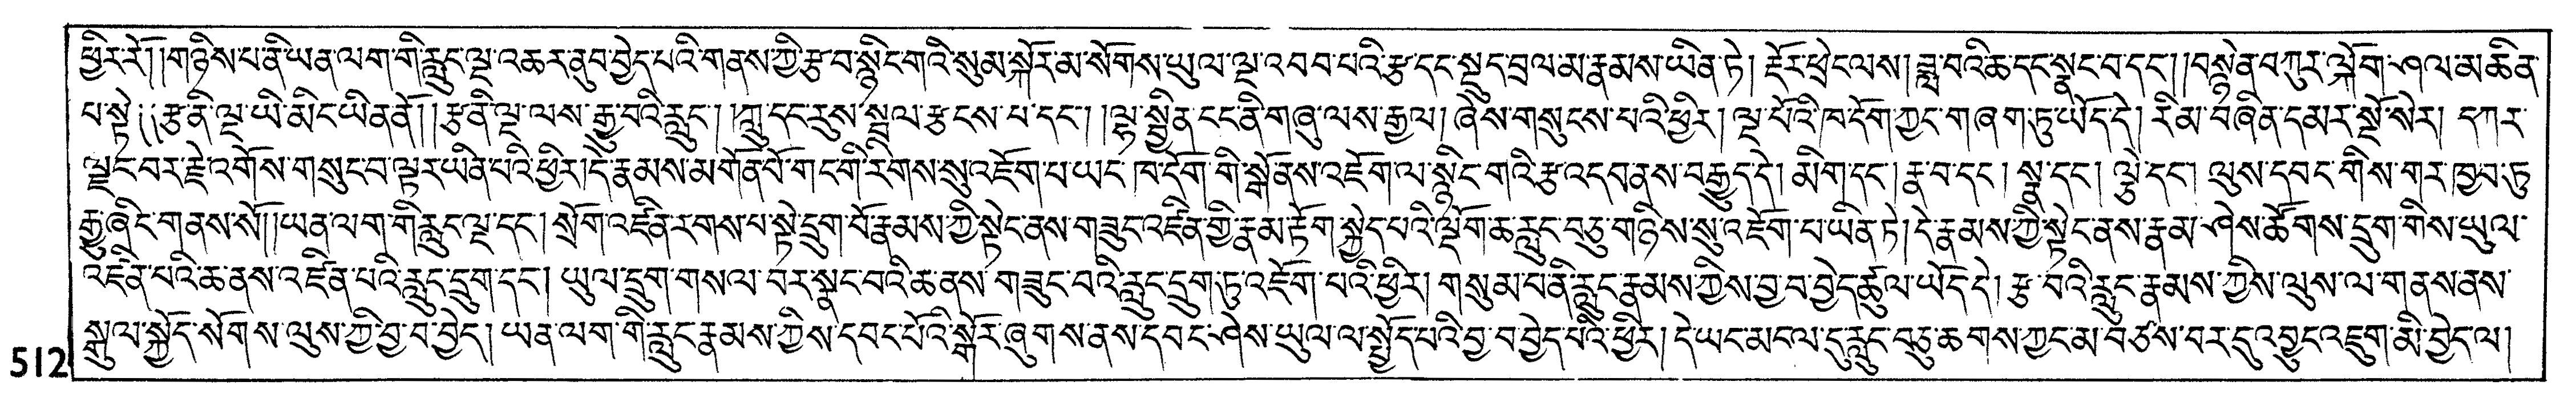ཕྱིར་རོ། །གཉིས་པ་ནི་ཡན་ལག་གི་རླུང་ལྔ་འཆར་ནུབ་བྱེད་པའི་གནས་ཀྱི་རྩ་བ་སྙིང་གའི་སུམ་སྐོར་མ་སོགས་ཡུལ་ལྔ་འབབ་པའི་རྩ་དང་སྡུད་བྲལ་མ་རྣམས་ཡིན་ཏེ། རྡོར་ཕྲེང་ལས། ཟླ་བའི་ཆ་དང་སྣང་བ་དང་། །བསྙེན་བཀུར་ལྐོག་ཤལ་མཆིན་
པ་སྟེ། །རྩ་ནི་ལྔ་ཡི་མིང་ཡིན་ནོ། །རྩ་ནི་ལྔ་ལས་རྒྱུ་བའི་རླུང་། །ཀླུ་དང་རུས་སྦལ་རྩངས་པ་དང་། །ལྷ་སྦྱིན་ངང་ནི་གཞུ་ལས་རྒྱལ། ཞེས་གསུངས་པའི་ཕྱིར། ལྔ་པོའི་ཁ་དོག་ཀྱང་གཞག་ཏུ་ཡོད་དེ། རིམ་བཞིན་དམར་སྔོ་སེར། དཀར་
ལྗང་བར་རྗེ་འགོས་གསུང་བ་ལྟར་ཡིན་པའི་ཕྱིར། དེ་རྣམས་མགོན་པོ་གང་གི་རིགས་སུ་འཇོག་པ་ཡང་ཁ་དོག་གི་སྒོ་ནས་འཇོག་ལ་སྙིང་གའི་རྩ་འདབ་ནས་བརྒྱུད་དེ། མིག་དང་། རྣ་བ་དང་། སྣ་དང་། ལྕེ་དང་། ལུས་དབང་གིས་གར་ཁྱབ་ཏུ་
རྒྱུ་ཞིང་གནས་སོ། །ཡན་ལག་གི་རླུང་ལྔ་དང་། སྲོག་འཛིན་རགས་པ་སྟེ་དྲུག་པོ་རྣམས་ཀྱི་སྟེང་ནས་གཟུང་འཛིན་གྱི་རྣམ་རྟོག་སྐྱེད་པའི་ལྡོག་ཆ་རླུང་བཅུ་གཉིས་སུ་འཇོག་པ་ཡིན་ཏེ། དེ་རྣམས་ཀྱི་སྟེང་ནས་རྣམ་ཤེས་ཚོགས་དྲུག་གིས་ཡུལ་འཛིན་པའི་ཆ་ནས་འཛིན་པའི་རླུང་དྲུག་དང་། ཡུལ་དྲུག་གསལ་བར་སྣང་བའི་ཆ་ནས་གཟུང་བའི་རླུང་དྲུག་ཏུ་འཇོག་པའི་ཕྱིར། གསུམ་པ་ནི་རླུང་རྣམས་ཀྱིས་བྱ་བ་བྱེད་ཚུལ་ཡོད་དེ། རྩ་བའི་རླུང་རྣམས་ཀྱིས་ལུས་ལ་གནས་ནས་
སྒུལ་སྐྱོད་སོགས་ལུས་ཀྱི་བྱ་བ་བྱེད། ཡན་ལག་གི་རླུང་རྣམས་ཀྱིས་དབང་པོའི་སྒོར་ཞུགས་ནས་དབང་ཤེས་ཡུལ་ལ་སྤྱོད་པའི་བྱ་བ་བྱེད་པའི་ཕྱིར། དེ་ཡང་མངལ་དུ་རླུང་བཅུ་ཆགས་ཀྱང་མ་བཙས་བར་དུ་འབྱུང་འཇུག་མི་བྱེད་ལ།